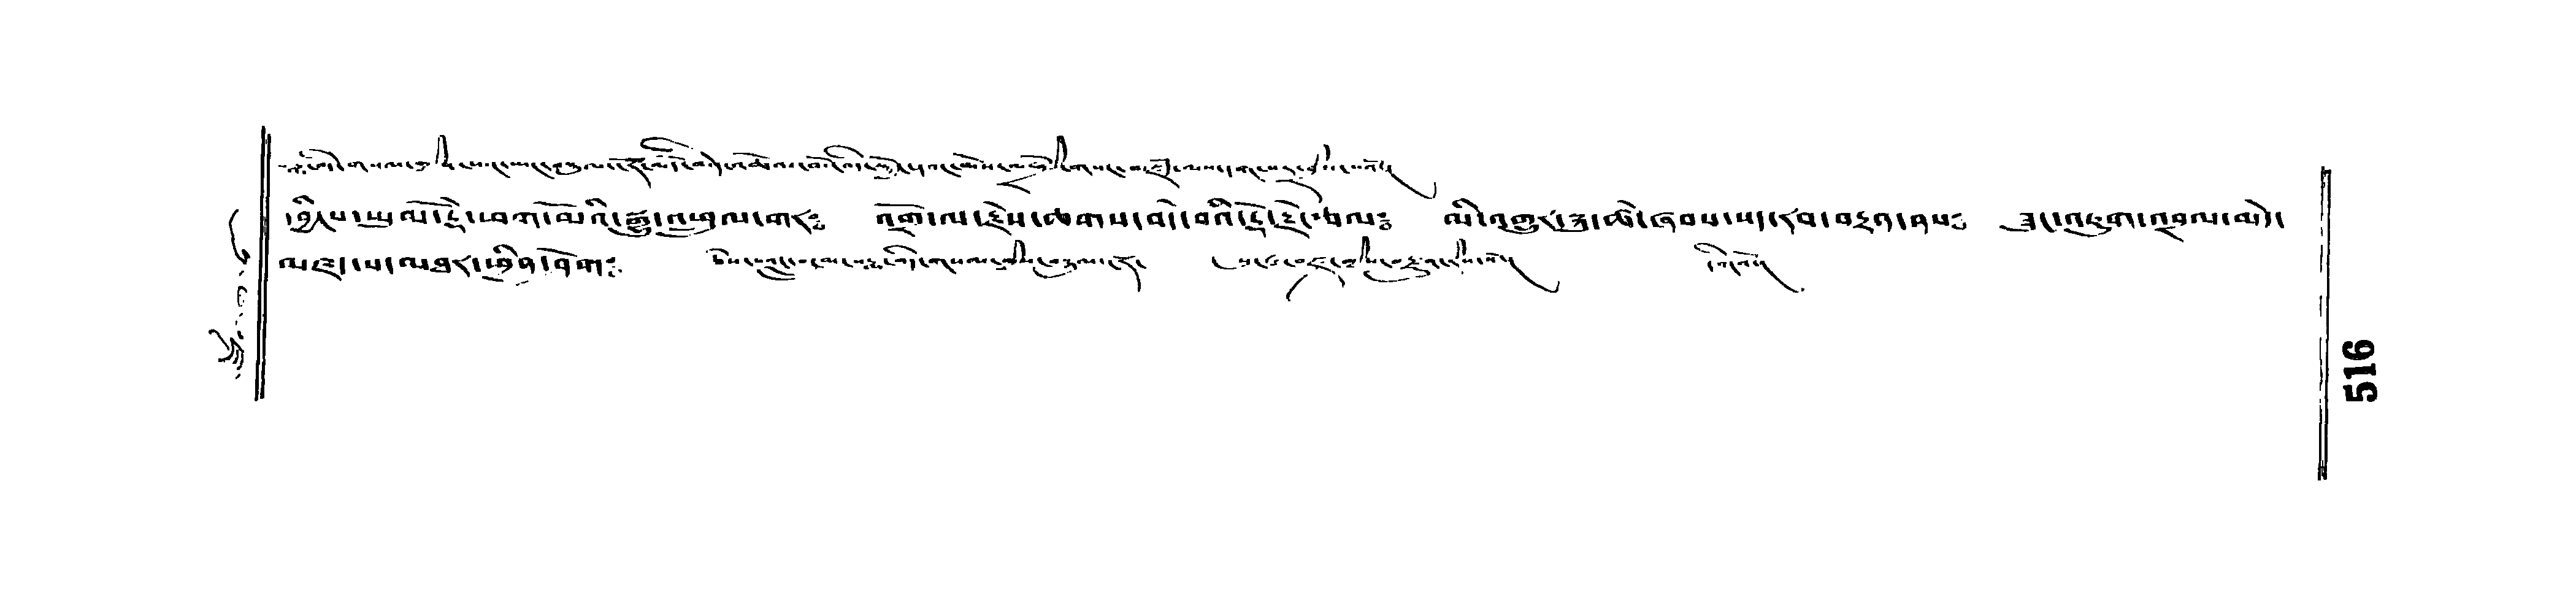པདྨ་བདེ་གསལ་གྱིས་ཡང་ཡང་བསྐུལ་ངོར་མདོ་མེད་འཆོལ་མོ་བདེ་སྐྱོང་དབང་མོས་མཁའ་འགྲོའི་གསང་མཛོད་ལས་དག་པར་བྲིས་པའོ།། 
དབྱིངས་ཡུམ་རྡོ་རྗེ་ཕག་མོའི་སྒྱུ་འཕྲུལ་གར༔ འགྲོ་ལ་རྫེས་ཆགས་བདེ་བའི་རྡོ་རྗེ་རྩལ༔ མི་འགྱུར་སྐུ་ཚེ་ཞབས་པད་རབ་བརྟན་ནས༔ ཟུང་འཇུག་འབྲལ་མེད་
མཛད་པ་མཐར་ཕྱིན་ཤོག༔ ཅེས་པའང་བླ་མ་པདྨ་བདེ་གསལ་གྱིས་བསྐུལ་ངོར། སུ་ཁ་བཛྲ་གྱིས་བརྫུན་རིས་སོ།།དགེའོ།།